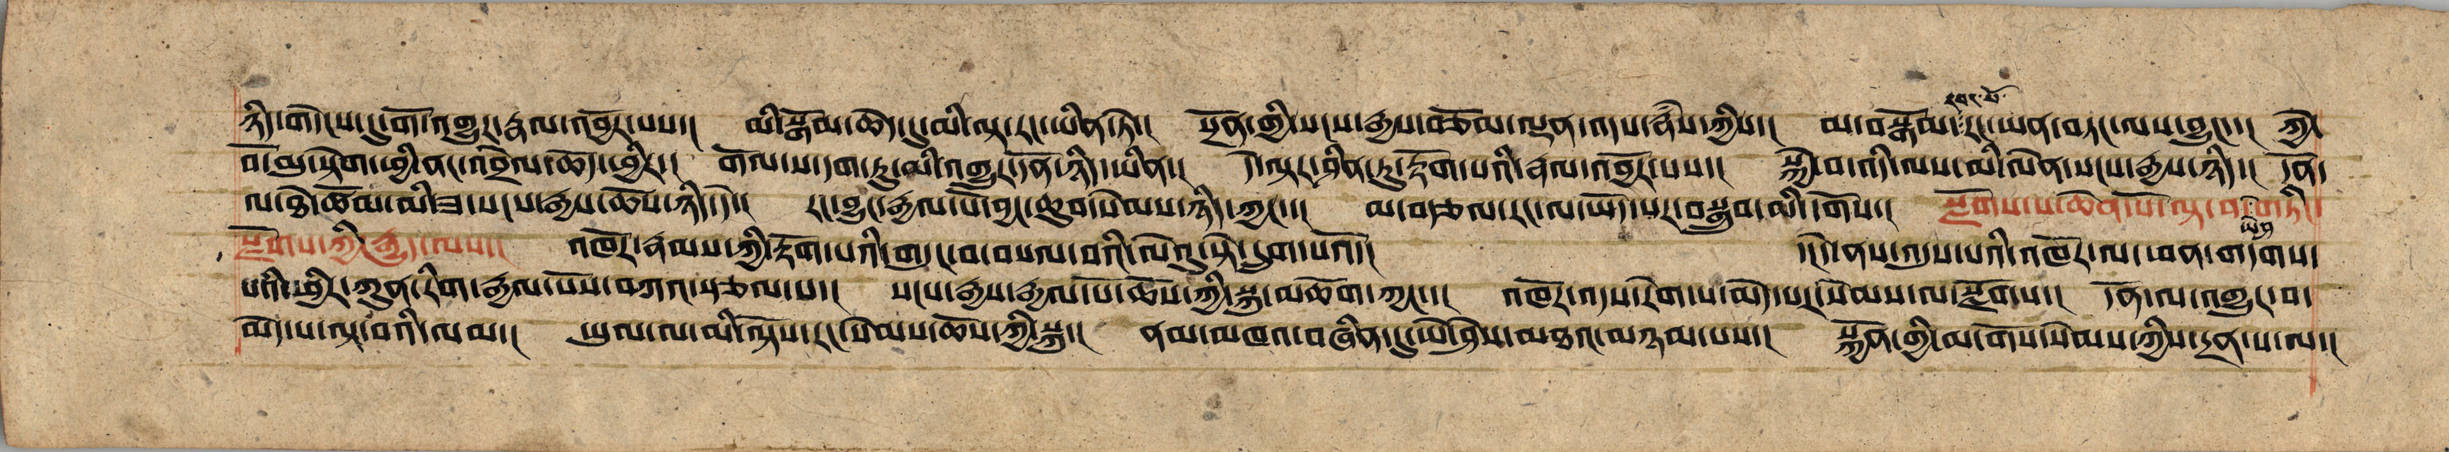ཉིད་གདེངས་དུ་གོ་འགྱུར་རྣལ་འབྱོར་པས་། མི་སྒོམ་ཆེད་དུ་མི་ལྟ་རང་ཡིན་ཏེ་། སྔོན་གྱི་སངས་རྒྱས་བཅོམ་ལྡན་འདས་རྣཾས་ཀྱིས་། མ་བསྒོམ་རང་ཡན་བཏང་ལས་བྱུང་་། ཀྱེ་
བོ་མུ་སྟེག་ཕྱི་ནང་འབྲེལ་ཆོད་ཕྱིར་། གོལ་ས་དག་ཏུ་མི་འགྱུར་དོན་ཉིད་ཡིན་། དེ་ལྟར་ཤིན་ཏུ་རྟོག་པའི་རྣལ་འབྱོར་པས་། སྐྱེ་བ་འདི་ལས་མི་ལེན་སངས་རྒྱས་ཉིད་། དོན་
ལ་ཐེ་ཚོམ་མི་ཟ་སངས་རྒྱས་ཆོས་ཉིད་དོ་། རང་བྱུང་རྒྱལ་པོ་བྱང་ཆུབ་སེམས་ཉིད་ཀྱང་། མ་བརྩལ་རང་ལ་ཡོད་པར་བསྒྲུབ་མི་དགོས་། སྫོགས་པ་ཆེན་པོ་ལྟ་བ་སྤྱན་གཏིང་
སྫོགས་ཀྱི་རྒྱུད་ལས་། འཁོར་རྣམས་ཀྱི་རྟོག་པའི་གདུང་བ་བསལ་བའི་ལེའུ་སྟེ་དྲུག་པའོ་། ་།དེ་ནས་འདུས་པའི་འཁོར་ལ་ཕན་གདགས་
པའི་ཕྱིར་ཀུན་རིག་རྒྱལ་པོས་བཀའ་སྩལ་པ་། སངས་རྒྱས་རྒྱལ་པོ་ཆོས་ཀྱིི་སྐུ་མཆོག་ཀྱང་། འཁོར་འདས་རེག་པ་མེད་པར་སེམས་ལ་སྫོགས་། དོན་ལ་འགྱུར་བ་
མེད་པ་ལྟ་བའི་ལམ་། ཡུལ་ལ་མི་ལྟོས་རང་སེམས་ཆོས་ཀྱི་སྐུ་། ནམ་མཁའ་བཞིན་དུ་ཡེ་ཤེས་མཐའ་མཉམ་པས་། སྐྱོན་གྱི་མ་གོས་སེམས་ཀྱིས་དྲན་པ་ལ་།